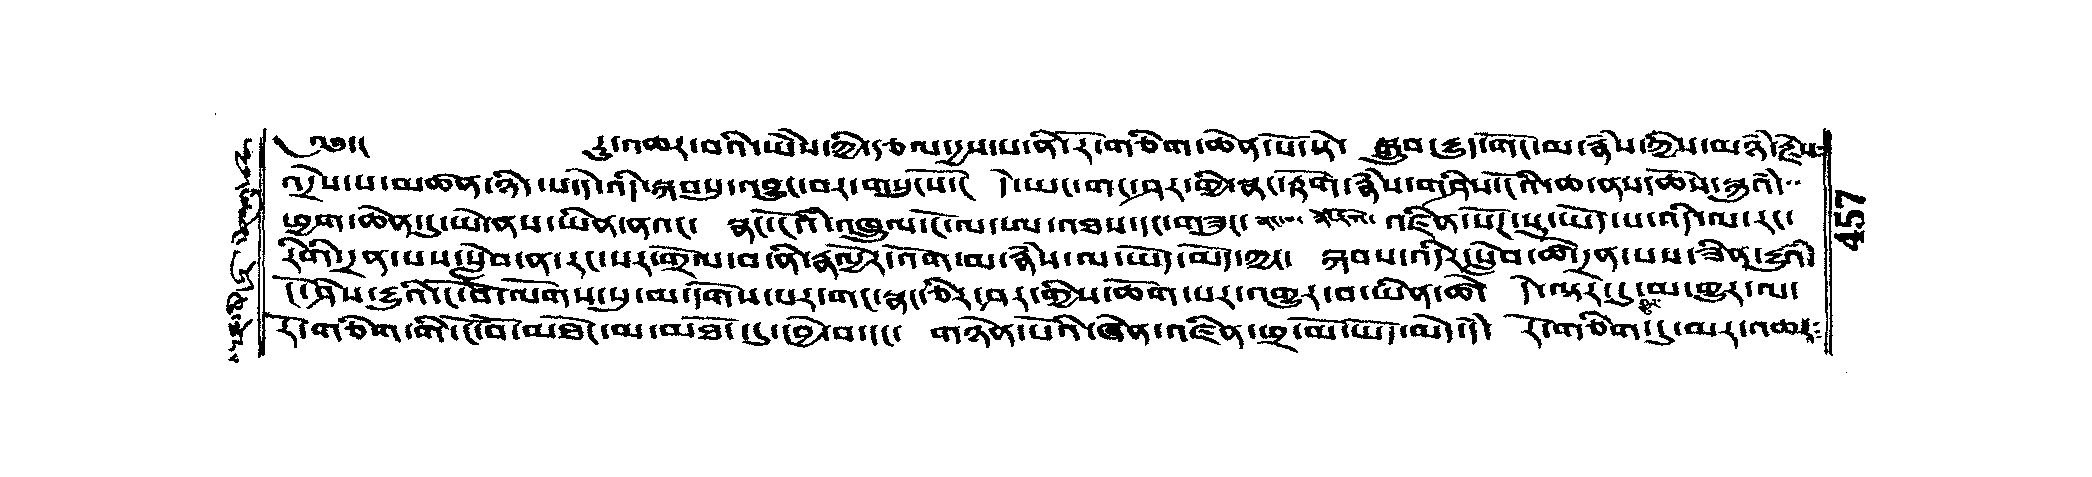རུ་འཆར་བའི་ཡེ་ཤེས་ཀྱི་རྩལ་རྒྱས་པ་ནི་རོ་གཅིག་ཆེན་པོ་སྟེ། སྒྲུབ་རྒྱུད་གོང་མ་རྣམས་ཀྱིས་མཉམ་རྗེས་
འདྲེས་པ་མཚན་ཉིད་པ་དེ་འདི་སྐབས་སུ་འབྱུང་བར་གསུངས་སོ། དེ་ཡང་གང་ཤར་གྱི་སྣང་རྟོག་རྣམས་གཤིས་ངོའི་ཆ་ནས་ཆོས་སྐུའམ་
ཕྱག་ཆེན་དུ་ཡེ་ནས་ཡིན་ནའང་། སྣང་ངོའམ་འཁྲུལ་ངོ་ལ་ཨ་འཐས་དང་གཟུང་འཛིན་སོགས་སུ་ཡོད་པ་འདི་ལ་རང་
རིག་གི་དྲན་པས་སླེབ་ན་རང་སར་གྲོལ་བ་ནི་རྣལ་འབྱོར་འོག་མ་རྣམས་ལ་ཡོད་མོད་ཀྱང་། སྐབས་འདིར་སླེབས་ཚེ་དྲན་པས་ཟིན་རྒྱུའམ་
ངོ་ཤེས་རྒྱུའི་ངོ་བོ་ལོགས་སུ་མ་དགོས་པར་གང་སྣང་ཅིར་ཤར་གྱིས་ཆོག་པར་འགྱུར་བ་ཡིན་ཚེ། དེ་ལྟར་དུ་གྱུར་མ་གྱུར་ལ་
རོ་གཅིག་གི་ངོ་བོ་མཐོང་མ་མཐོང་དུ་དབྱེ་བ་དང་། གཉེན་པོའི་ཞེན་འཛིན་ཕྲ་མོ་ཡོད་མེད་དམ། རོ་གཅིག་དུ་མར་འཆར་